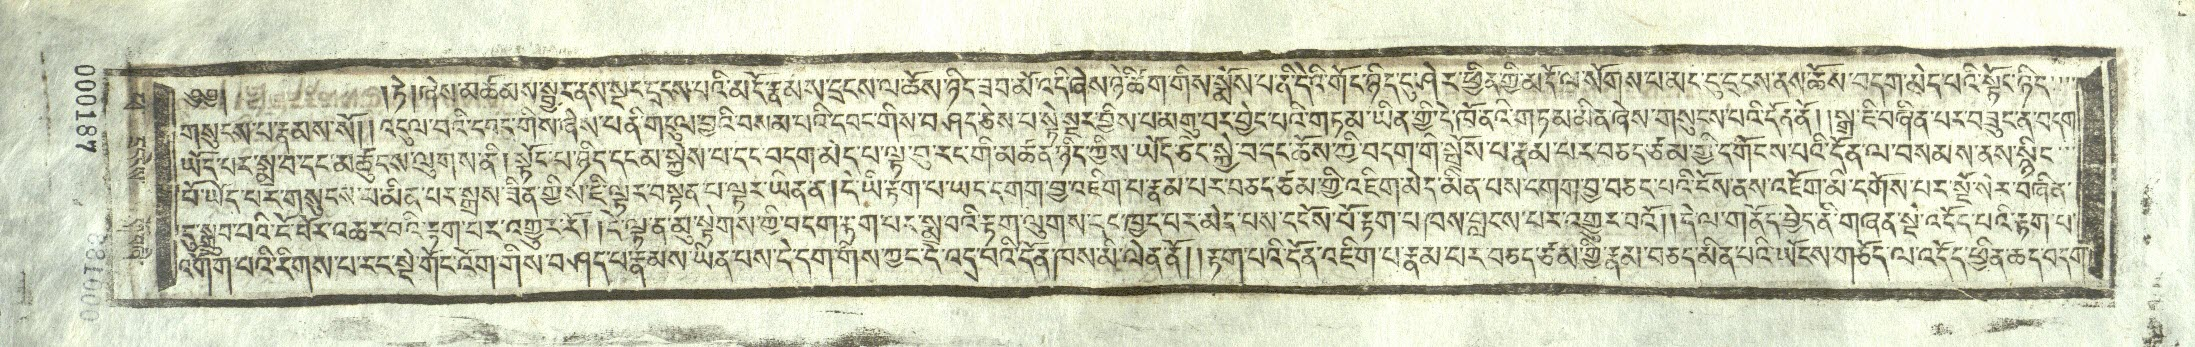༄༅། །ཏེ། ཞེས་མཚམས་སྦྱར་ནས་སྔར་དྲངས་པའི་མདོ་རྣམས་དྲངས་ལ་ཆོས་ཉིད་ཟབ་མོ་འདི་ཞེས་ཉེ་ཚིག་གིས་སྨོས་པ་ནི་དེའི་གོང་ཉིད་དུ་ཤེར་ཕྱིན་གྱི་མདོ་ལ་སོགས་པ་མང་དུ་དྲངས་ནས་ཆོས་བདག་མེད་པའི་སྟོང་ཉིད་
གསུངས་པ་རྣམས་སོ། །འདུལ་བའི་དབང་གིས་ཞེས་པ་ནི་གདུལ་བྱའི་བསམ་པའི་དབང་གིས་བཤད་ཅེས་པ་སྟེ་སྔར་བྱིས་པ་མགུ་བར་བྱེད་པའི་གཏམ་ཡིན་གྱི་དེ་ཁོ་ནའི་གཏམ་མིན་ཞེས་གསུངས་པའི་དོན་ནོ། །སྒྲ་ཇི་བཞིན་པར་བཟུང་ན་བདག་
ཡོད་པར་སྨྲ་བ་དང་མཚུངས་ལུགས་ནི། སྟོང་པ་ཉིད་དང་མ་སྐྱེས་པ་དང་བདག་མེད་པ་ལྟ་བུ་རང་གི་མཚན་ཉིད་ཀྱིས་ཡོད་ཅིང་སྐྱེ་བ་དང་ཆོས་ཀྱི་བདག་གི་སྤྲོས་པ་རྣམ་པར་བཅད་ཙམ་གྱི་དགོངས་པའི་དོན་ལ་བསམས་ནས་སྙིང་
པོ་ཡོད་པར་གསུངས་པ་མིན་པར་སྒྲས་ཟིན་གྱིས་ཇི་ལྟར་བསྟན་པ་ལྟར་ཡིན་ན། དེ་ཡི་རྟག་པ་ཡང་དགག་བྱ་འཇིག་པ་རྣམ་པར་བཅད་ཙམ་གྱི་འཇིག་མེད་མིན་པས་དགག་བྱ་བཅད་པའི་ངོས་ནས་འཇོག་མི་དགོས་པར་སྔོ་སེར་བཞིན་
དུ་སྒྲུབ་པའི་ངོ་བོར་འཆར་བའི་རྟག་པར་འགྱུར་རོ། །དེ་ལྟ་ན་མུ་སྟེགས་ཀྱི་བདག་རྟག་པར་སྨྲ་བའི་རྟག་ལུགས་དང་ཁྱད་པར་མེད་པས་དངོས་པོ་རྟག་པ་ཁས་བླངས་པར་འགྱུར་བའོ། །དེ་ལ་གནོད་བྱེད་ནི་གཞན་སྡེ་འདོད་པའི་རྟག་པ་
འགོག་པའི་རིགས་པ་རང་སྡེ་གོང་འོག་གིས་བཤད་པ་རྣམས་ཡིན་པས་དེ་དག་གིས་ཀྱང་དེ་འདྲ་བའི་དོན་ཁས་མི་ལེན་ནོ། །རྟག་པའི་དོན་འཇིག་པ་རྣམ་པར་བཅད་ཙམ་གྱི་རྣམ་བཅད་མིན་པའི་ཡོངས་གཅོད་ལ་འདོད་ཕྱིན་ཆད་བདག་